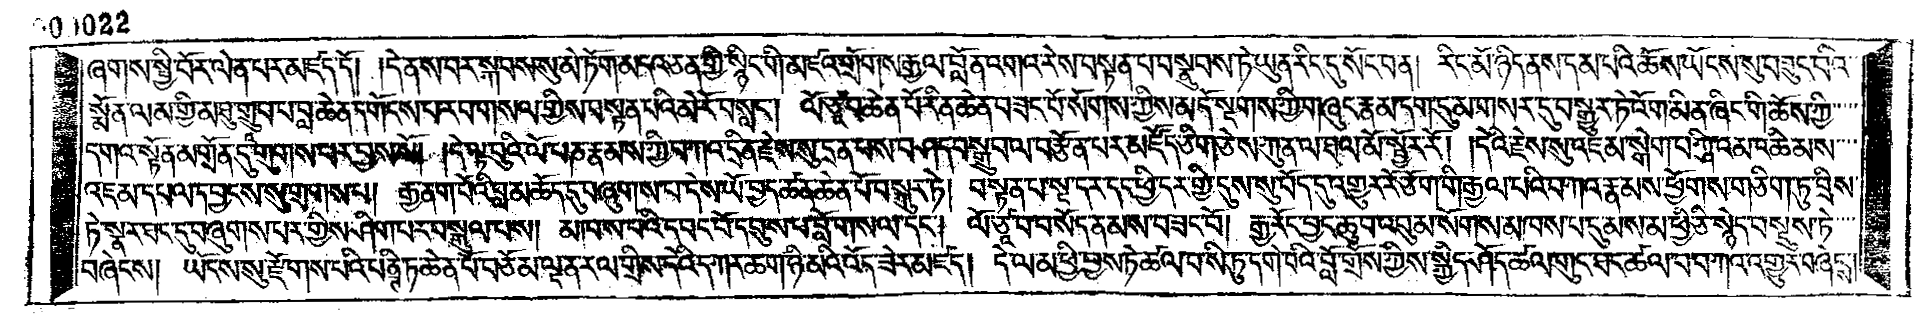ཞགས་སྤྱི་བོར་ལེན་པར་མཛད་དོ། །དེ་ནས་བར་སྐབས་སུ་མེ་ཏོག་མདའ་ཅན་གྱི་སྙིང་གི་མཛའ་གྲོགས་རྒྱལ་བློན་འགའ་རེས་བསྟན་པ་བསྣུབས་ཏེ་ཡུན་རིང་དུ་སོང་བ་ན། རིང་མོ་ཉིད་ནས་དམ་པའི་ཆོས་ཡོངས་སུ་བཟུང་བའི་
སྨོན་ལམ་གྱི་མཐུ་གྲུབ་པ་བླ་ཆེན་དགོངས་པ་རབ་གནལ་གྱིས་བསྟན་པའི་མེ་རོ་བསླང་། ལོ་ཙཱ་བ་ཆེན་པོ་རིན་ཆེན་བཟང་པོ་སོགས་ཀྱིས་མདོ་སྔགས་ཀྱི་གཞུང་རྣམ་དག་དུ་མ་གསར་དུ་བསྒྱུར་ཏེ་འོག་མིན་ཞིང་གི་ཆོས་ཀྱི་
དགའ་སྟོན་མགྲོན་དུ་གུགས་པར་བྱས་སོ། །དེ་ལྟ་བུའི་ལོ་པཎ་རྣམས་ཀྱི་བཀའ་དྲིན་རྗེས་སུ་དྲན་པས་བཤད་བསྒྲུབ་ལ་བརྩོན་པར་མཛོད་ཅིག་ཅེས་ཀུན་ལ་ཐལ་མོ་སྦྱོར་རོ། །དེའི་རྗེས་སུ་འཇམ་སྒེག་པཀྴི་འམ་འཆིམས་
འཇམ་དཔལ་དབྱངས་སུ་གྲགས་པ། རྒྱ་ནག་པོའི་བླ་མཆོད་དུ་བཞུགས་པ་དེས་ཡོ་བྱད་ཚན་ཆེན་པོ་བསྐུར་ཏེ། བསྟན་པ་སྔ་དར་དང་ཕྱི་དར་གྱི་དུས་སུ་བོད་དུ་འགྱུར་རོ་ཅོག་གི་རྒྱལ་པའི་བཀའ་རྣམས་ཕྱོགས་གཅིག་ཏུ་བྲིས་
ཏེ་སྣར་ཐང་དུ་བཞུགས་པར་གྱིས་ཤིག་པར་བསྐུལ་པས། མཁས་པའི་དབང་བོ་དབུས་པ་བློ་གསལ་དང་། ལོ་ཙཱ་བ་བསོད་ནམས་བཟང་བོ། རྒྱ་རོང་བྱང་ཆུབ་འབུམ་སོགས་མཁས་པ་དུ་མས་མ་ཕྱི་ཅི་སྙེད་བསྡུས་ཏེ་
བཞེངས། ཡོངས་སུ་རྫོགས་པའི་པཎྜི་ཏ་ཆེན་པོ་བཅོམ་ལྡན་རལ་གྲིས་དེའི་དཀར་ཆག་ཉི་མའི་འོད་ཟེར་མཛད། དེ་ལ་མ་ཕྱི་བྱས་ཏེ་ཚལ་བ་སི་ཏུ་དགེ་བའི་བློ་གྲོས་ཀྱིས་སྐྱིད་ཤོད་ཚལ་གུང་ཐང་ཚལ་བ་བཀའ་འགྱུར་བཞེངས།